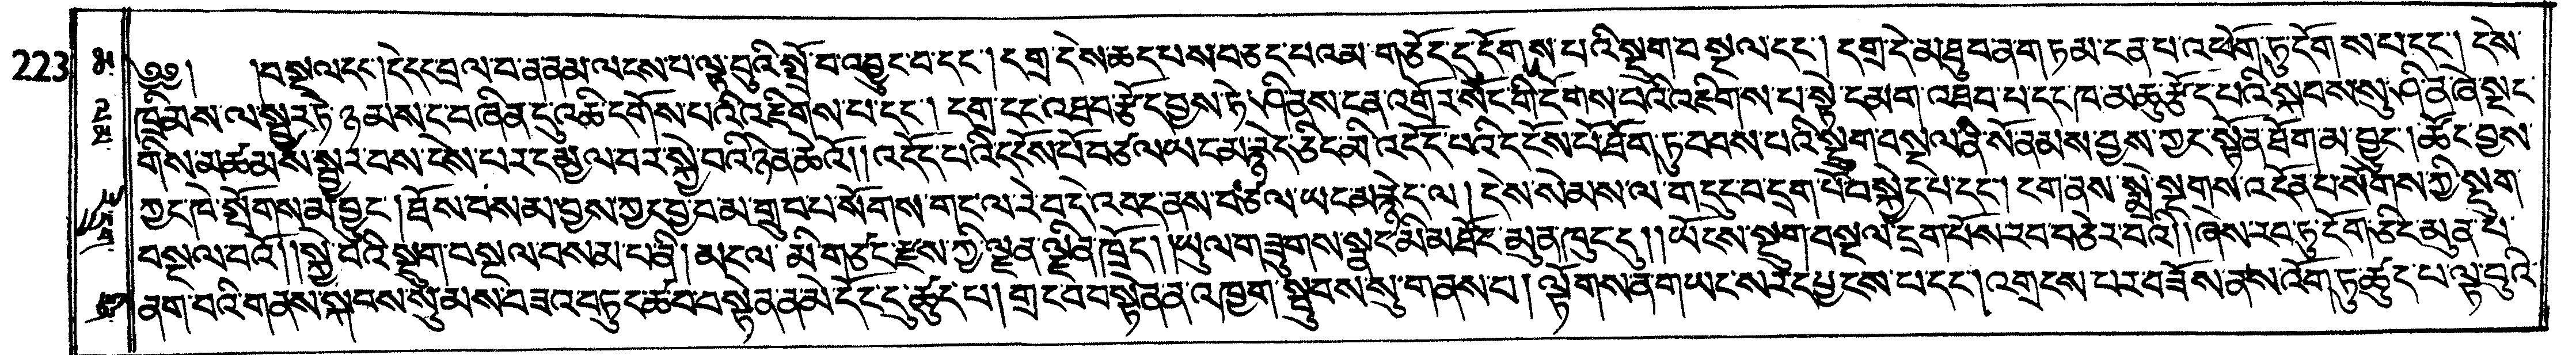༄༅། །བསྔལ་དང་། དེ་དང་བྲལ་བ་ན་ནམ་ལངས་པ་ལྟ་བུའི་སྤྲོ་བ་འབྱུང་བ་དང་། དགྲ་དེས་ཆད་པས་བཅད་པའམ་གཅོད་དུ་དོགས་པའི་སྡུག་བསྔལ་དང་། དགྲ་དེ་མ་ཐུབ་ན་གཏམ་ངན་པ་འཕོག་ཏུ་དོགས་པ་དང་། དེས་
ཁྲིམས་ལ་སྦྱར་ཏེ་ཉམས་ང་བཞིན་དུ་འཆི་དགོས་པའི་འཇིགས་པ་དང་། དགྲ་དང་འཐབ་རྩོད་བྱས་ཏེ་ཤི་ནས་ངན་འགྲོར་སོང་གི་དོགས་པའི་འཇིགས་པ་སྟེ་དམག་འཐབ་པ་དང་ཁ་མཆུ་རྩོད་པའི་སྐབས་སུ་ཤི་ན་ཞེ་སྡང་
གིས་མཚམས་སྦྱར་བས་ངེས་པར་དམྱལ་བར་སྐྱེ་བའི་ཉེན་ཆེའོ། །འདོད་པའི་དངོས་པོ་བཙལ་ཡང་མ་རྙེད་ཅིང་མི་འདོད་པའི་དངོས་པོ་ཐོག་ཏུ་བབས་པའི་སྡུག་བསྔལ་ནི་སོ་ནམས་བྱས་ཀྱང་སྟོན་ཐོག་མ་བྱུང་། ཚོང་བྱས་
ཀྱང་ཁེ་སྤོགས་མ་བྱུང་། ཐོས་བསམ་བྱས་ཀྱང་བྱ་བ་མ་གྲུབ་པ་སོགས་གང་ལ་རེ་བ་དེ་འབད་ནས་བཙལ་ཡང་མ་རྙེད་ལ། དེས་སེམས་ལ་གདུང་བ་དྲག་པོ་བསྐྱེད་པ་དང་། ངག་ནས་སྨྲེ་སྔགས་འདོན་པ་སོགས་ཀྱི་སྡུག་
བསྔལ་བའོ། །སྐྱེ་བའི་སྡུག་བསྔལ་བསམ་པ་ནི། མངལ་མི་གཙང་རྫས་ཀྱི་ལྗན་ལྗིན་ཁྲོད། །ཡུལ་གཟུགས་སྣང་མི་མཐོང་མུན་ཁུང་དུ། །ཡོངས་སྡུག་བསྔལ་དྲག་པོས་རབ་བཅེར་བའི། །ཞེས་རབ་ཏུ་དོག་ཅིང་མུན་པ་
ནག་བའི་གནས་སྐབས་སུ་མས་བཟའ་བཏུང་ཚ་བ་བསྟེན་ན་མེ་དོང་དུ་ཚུད་པ། གྲང་བ་བསྟེན་ན་འཁྱག་སྦུབས་སུ་གནས་པ། ལྟོགས་ན་གཡང་སར་དཔྱངས་པ་དང་། འགྲངས་པར་བཟོས་ནས་འོག་ཏུ་ཚུད་པ་ལྟ་བུའི་